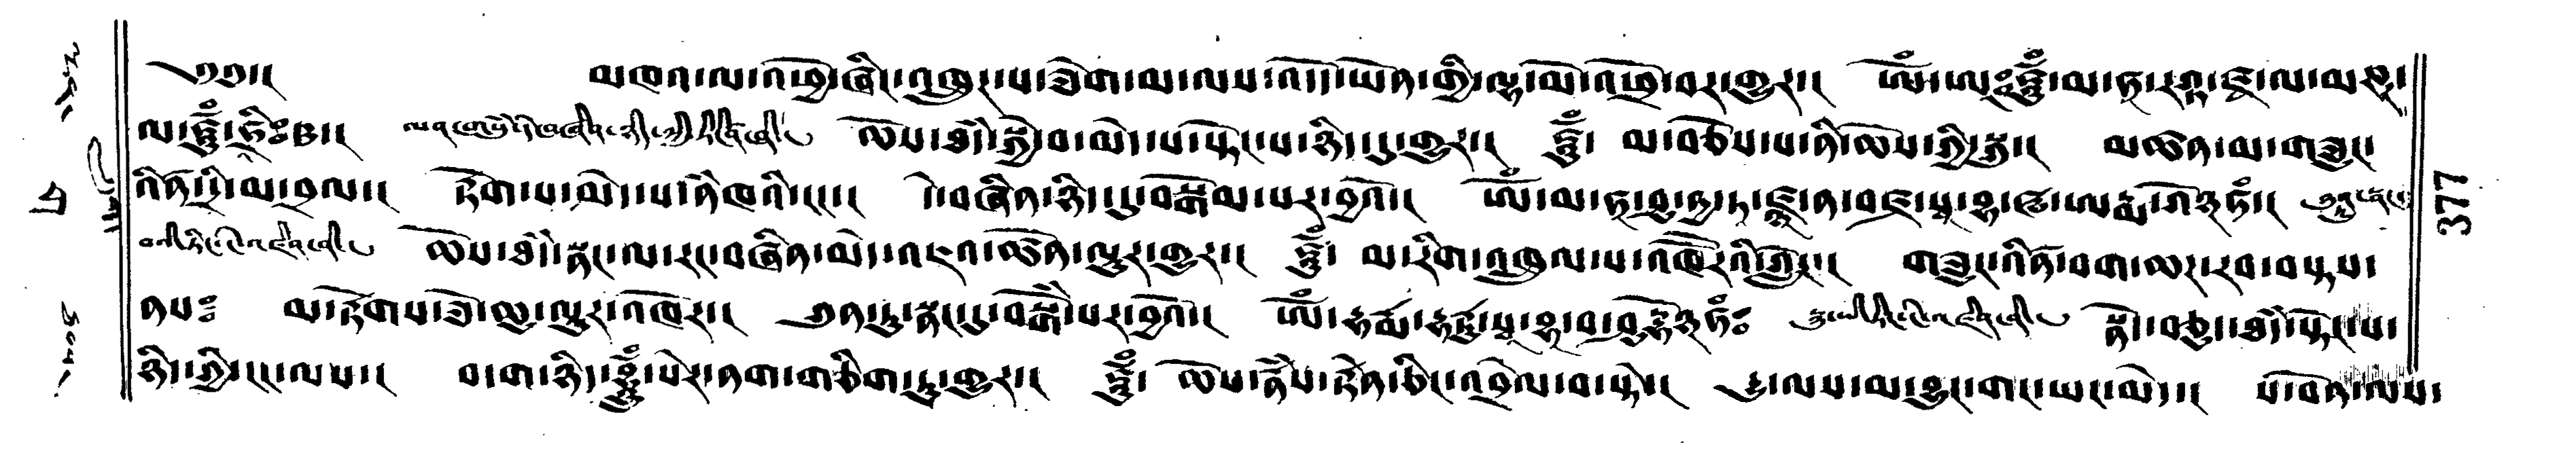མཁའ་ལ་འཕྱོ་ཞིང་འཁྲུགས་པ་ཟེགས་མ་ལས་འདོད་ཡོན་གྱི་ལྷ་མོ་འཕྲོ་བར་གྱུར། ཨོཾ་ཨཱཿཧཱུྃ་མ་ཧཱ་རཀྟ་ཛྭ་ལ་མཎྜལ་ཧཱུྃ་ཧྲཱིཿཋ། 
ལན་གསུམ། དེ་བཞིན་ཉིད་ཀྱི་ཏིང་འཛིན་ནི། ཆོས་ཐམས་སྐྱེ་བ་མེད་པ་སྟོང་པ་ཉིད་དུ་གྱུར། ཧཱུྃ། མ་བཅོས་པ་ནི་ཆོས་ཀྱི་སྐུ། །མཚན་མ་གཟུང་
འཛིན་དྲི་མ་བྲལ། །རྟོག་པ་མེད་པ་ནམ་མཁའི་ངང་། །དེ་བཞིན་ཉིད་དུ་བསྒོམ་པར་བྱའོ། ཨོཾ་མ་ཧཱ་ཤུནྱེ་ཏ་ཛྙཱ་ན་བཛྲ་སྭ་བྷ་ཝ་ཨཏྨ་ཀོ྅་ཧཾ། ཀུན་ཏུ་སྣང་
བའི་ཏིང་ངེ་འཛིན་ནི། ཆོས་ཐམས་ཅད་སྣང་ལ་རང་བཞིན་མེད་པ་འཇའ་ཚོན་ལྟ་བུར་གྱུར།ཧཱུྃ། མ་རིག་འཁྲུལ་པ་འཁོར་ལོའི་ཀློང་། །གཟུང་འཛིན་བག་ཆགས་རབ་བརྟས་
ནས། །མ་རྟོགས་ཟོ་ཆུན་ལྟ་བུར་འཁོར། །ཀུན་ཏུ་སྣང་དུ་བསྒོམ་པར་བྱའོ། ཨོཾ་དྷརྨ་དྷརྟུ་སྭ་བྷཱ་བ་ཤུདྡྷོ྅་ཧཾཿ རྒྱུ་ཡི་ཏིང་ངེ་འཛིན་ནི། སྣོད་བཅུད་ཐམས་ཅད་སྟོང་པ་
ཉིད་ཀྱི་ངང་ལས། བདག་ཉིད་བྷྲཱུྂ་སེར་ནག་གཅིག་ཏུ་གྱུར། ཧཱུྃ། ཆོས་རྣམས་རྟེན་ཅིང་འབྲེལ་བ་སྟེ། །རྒྱུ་ལས་མ་བྱུང་གང་ཡང་མེད། །ས་བོན་ལས་